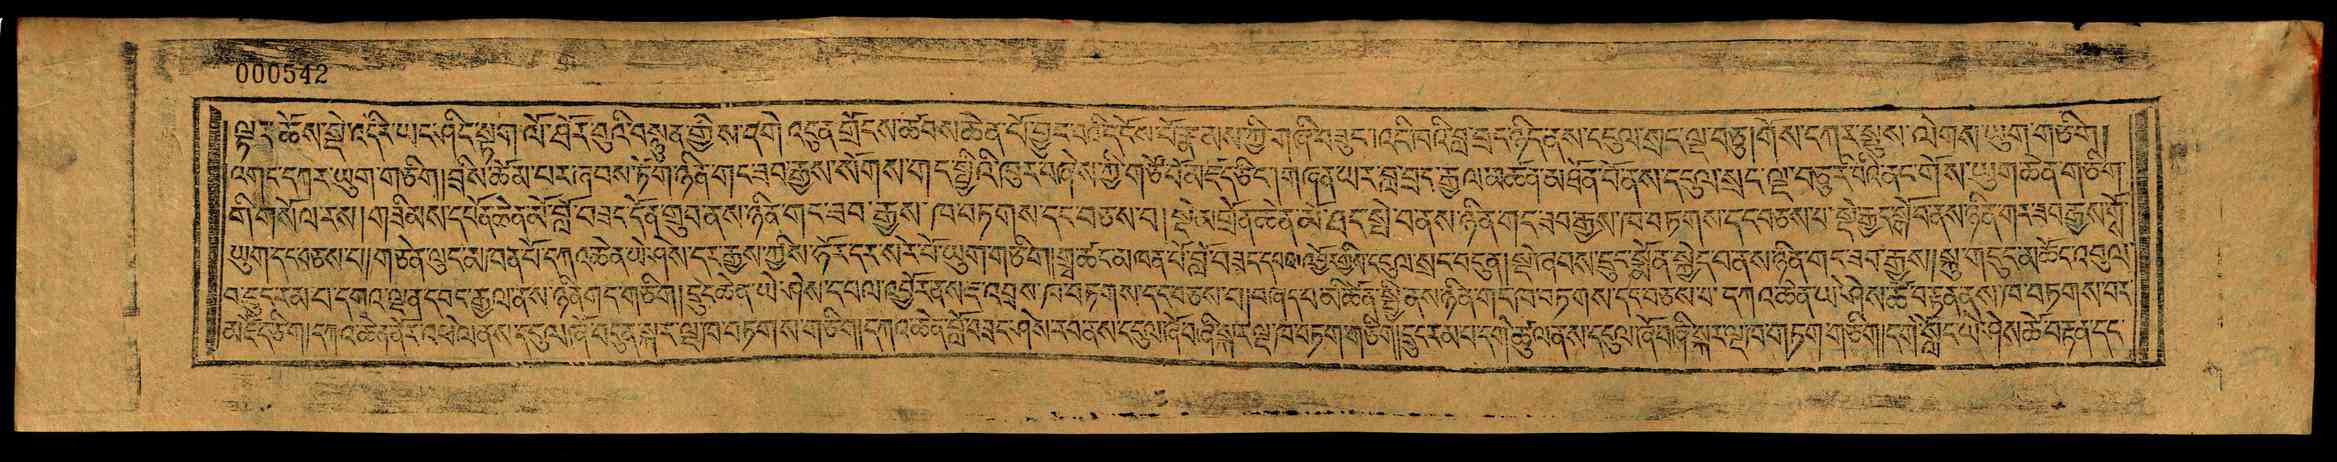ལྟར། ཆོས་སྡེ་འདིར་ཡང་ཤིང་སྟག་ལོ་ཐོར་ལྟ་བུའི་བསྙུན་གྱིས་དགེ་འདུན་གྲོངས་ཙབས་ཆེན་པོ་བྱུང་བའི་དངོས་པོ་རྣམས་ཀྱི་གཞི་བཟུང་། འདི་ཁའི་བླ་བྲང་ཉིད་ནས་དངུལ་སྲང་ལྔ་བཅུ། གོས་དཀར་སྤུས་ལེགས་ཡུག་གཅིག་
འགང་དཀར་ཡུག་གཅིག། བྲིས་ཆོམ་པར་ཞབས་ཏོག་ཉིན་གང་ཟབ་རྒྱས་སོགས་གང་སྤྱིའི་ཁུར་བཞེས་ཀྱི་གཙོ་བོ་མཛད་ཅིང་། གཞན་ཡང་བླ་བྲང་རྒྱལ་མཚན་མཐོན་པོ་ནས་དངུལ་སྲང་ལྔ་བཅུ་རི་བའི་ནང་གོས་ཡུག་ཆེན་གཅིག་
གི་གསོལ་རས། གཟིམས་དཔོན་ཆེན་མོ་བློ་བཟང་དོན་གྲུབ་ནས་ཉིན་གང་ཟབ་རྒྱས་ཁ་བཏགས་དང་བཅས་པ། སྡེ་མགྲོན་ཆེན་མོ་ཐང་སྤེ་བ་ནས་ཉིན་གང་ཟབ་རྒྱས་ཁ་བཏགས་དང་བཅས་པ། སྡེ་རྒྱས་སྒོ་བ་ནས་ཉིན་གང་ཟབ་རྒྱས་གོས་
ཡུག་དང་བཅས་པ། གཅེན་ལུང་མཁན་པོ་དཀའ་ཆེན་ཡེ་ཤེས་དར་རྒྱས་ཀྱིས་ཧོར་དར་སེར་པོ་ཡུག་གཅིག །གྲྭ་ཚང་མཁན་པོ་བློ་བཟང་དཔལ་འབྱོར་གྱིས་དངུལ་སྲང་བདུ། སྡེ་ཞབས་དྲུང་སྨོན་སྐྱིད་པ་ནས་ཉིན་གང་ཟབ་རྒྱས། སྐུ་གདུང་མཆོད་འབུལ་
བ་དྲུང་རམ་པ་དཀའ་ལྡན་དབང་རྒྱལ་ནས་ཉིན་གང་གཅིག །དྲུང་ཆེན་ཡེ་ཤེས་དཔལ་འབྱོར་ནས་ཇ་འབྲས་ཁ་བཏགས་དང་བཅས་པ། བཞད་པ་མི་ཚན་སྤྱི་ནས་ཉིན་གང་ཁ་བཏགས་དང་བཅས་པ། དཀའ་ཆེན་ཡེ་ཤེས་ཚེ་བརྟན་ནས་ཁ་བཏགས་བར་
མཛད་ཅིག་དཀའ་ཆེན་ནོར་འཕེལ་ནས་དངུལ་ཞོ་བདུན་སྐར་ལྔ་ཁ་བཏགས་གཅིག །དཀའ་ཆེན་བློ་བཟང་ཤེས་རབ་ནས་དངུལ་ཞོ་བཞི་སྐར་ལྔ་ཁ་བཏག་གཅིག །དྲུང་རམ་པ་དགེ་ཚུལ་ནས་དངུལ་ཞོ་བཞི་སྐར་ལྔ་ཁ་བཏགས་གཅིག །དགེ་སློང་ཡེ་ཤེས་ཚེ་བརྟན་དང་